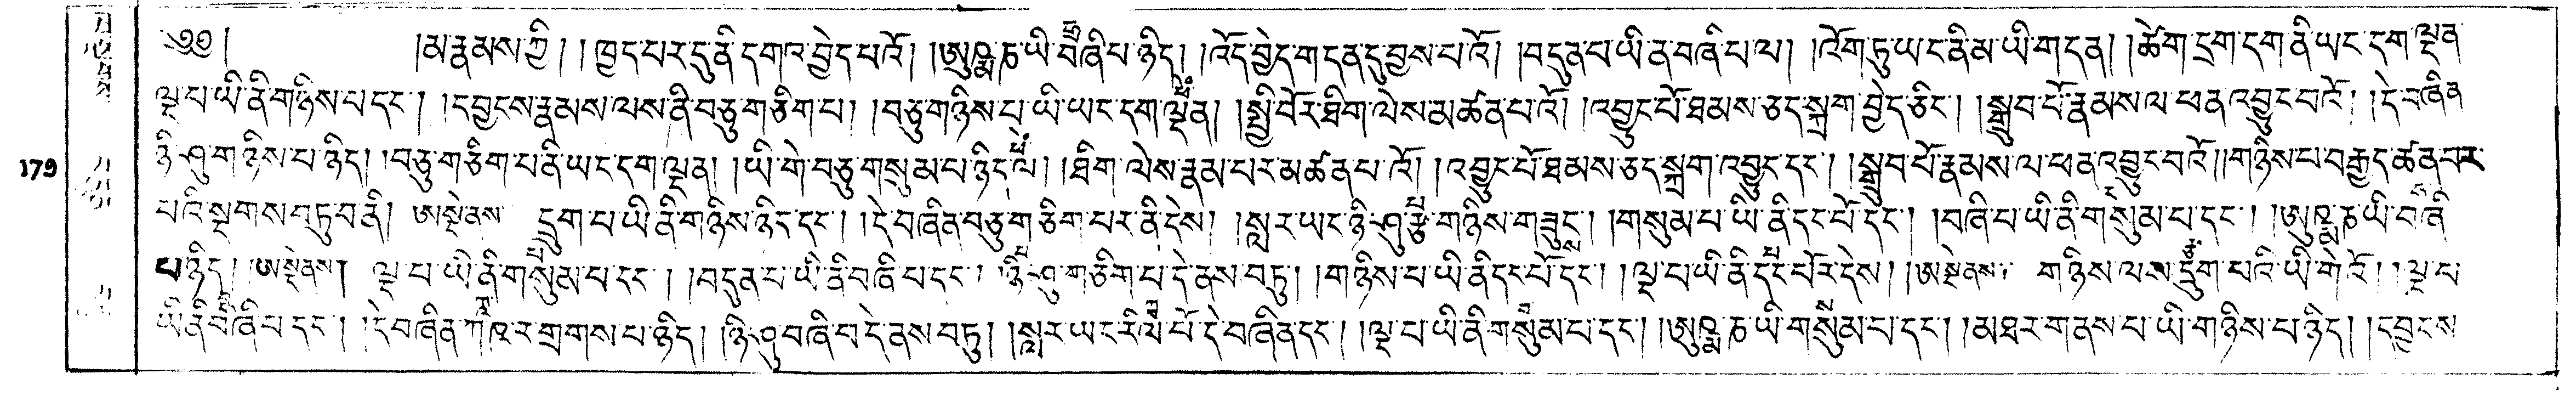༄༅། །མ་རྣམས་ཀྱི། །ཁྱད་པར་དུ་ནི་དགའ་བྱེད་པའོ། །ཨུཥྨ་ཎ་ཡི་བཞི་པ་ཉིད། །འོད་བྱེད་གདན་དུ་བྱས་པ་འོ། །བདུན་པ་ཡི་ན་བཞི་པ་ལ། །འོག་ཏུ་ཡང་ནི་མ་ཡི་གདན། །ཚེག་དྲག་དག་ནི་ཡང་དག་ལྡན་
ལྔ་པ་ཡི་ནི་གཉིས་པ་དང་། །དབྱངས་རྣམས་ལས་ནི་བཅུ་གཅིག་པ། །བཅུ་གཉིས་པ་ཡི་ཡང་དག་ལྡན། །སྤྱི་བོར་ཐིག་ལེས་མཚན་པའོ། །འབྱུང་པོ་ཐམས་ཅད་སྐྲག་བྱེད་ཅིང་། །སྒྲུབ་པོ་རྣམས་ལ་ཕན་འབྱུང་བའོ། །དེ་བཞིན་
ཉི་ཤུ་གཉིས་པ་ཉིད། །བཅུ་གཅིག་པ་ནི་ཡང་དག་ལྡན། །ཡི་གེ་བཅུ་གསུམ་པ་ཉིད་ལ། །ཐིག་ལེས་རྣམ་པར་མཚན་པའོ། །འབྱུང་པོ་ཐམས་ཅད་སྐྲག་འབྱུང་དང་། །སྒྲུབ་པོ་རྣམས་ལ་ཕན་འབྱུང་བའོ། །གཉིས་པ་བརྒྱད་ཚན་བར་
པའི་སྔགས་བཏུ་བ་ནི། ཨ་སྡེ་ནས། དྲུག་པ་ཡི་ནི་གཉིས་ཉིད་དང་། །དེ་བཞིན་བཅུ་གཅིག་པར་ནི་དེས། །སླར་ཡང་ཉི་ཤུ་རྩ་གཉིས་གཟུངས། །གསུམ་པ་ཡི་ནི་དང་པོ་དང་། །བཞི་པ་ཡི་ནི་གསུམ་པ་དང་། །ཨུཥྨ་ཎ་ཡི་བཞི་
པ་ཉིད། །ཨ་སྡེ་ནས། ལྔ་པ་ཡི་ནི་གསུམ་པ་དང་། །བདུན་པ་ཡི་ནི་བཞི་པ་དང་། །ཉི་ཤུ་གཅིག་པ་དེ་ནས་བཏུ། །གཉིས་པ་ཡི་ནི་དང་པོ་དང་། །ལྔ་པ་ཡི་ནི་དང་པོར་དེས། །ཨ་སྡེ་ནས༑ གཉིས་ལས་དྲུག་པའི་ཡི་གེའོ། །ལྔ་པ་
ཡི་ནི་བཞི་པ་དང་། །དེ་བཞིན་ཀ་ཥ་ར་གྲགས་པ་ཉིད། །ཉི་ཤུ་བཞི་བདེ་ནས་བཏུ། །སླར་ཡང་རིལ་པོ་དེ་བཞིན་དང་། །ལྔ་པ་ཡི་ནི་གསུམ་པ་དང་། །ཨུཥྨ་ཎ་ཡི་གསུམ་པ་དང་། །མཐར་གནས་པ་ཡི་གཉིས་པ་ཉིད། །དབྱངས་